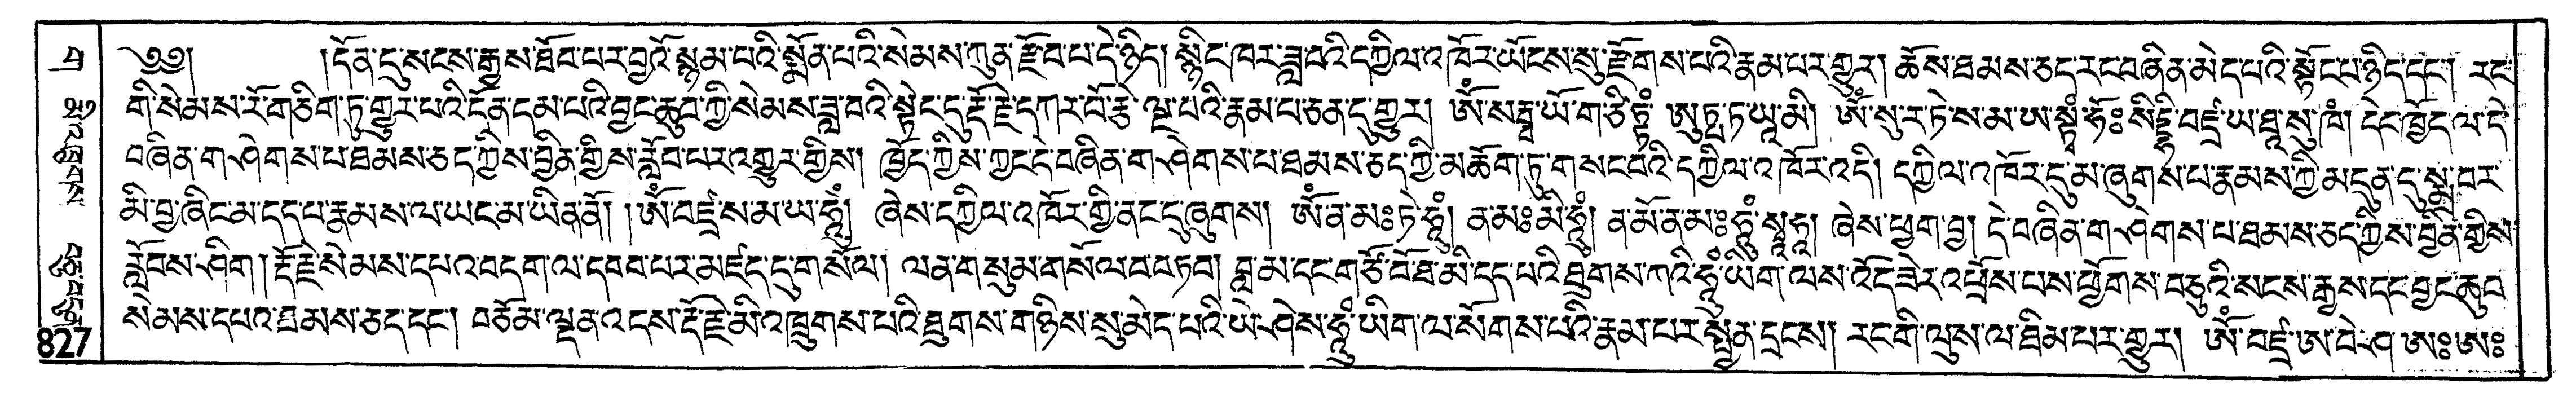༄༅། །དོན་དུ་སངས་རྒྱས་ཐོབ་པར་བྱའོ་སྙམ་པའི་སྨོན་པའི་སེམས་ཀུན་རྫོབ་པ་དེ་ཉིད། སྙིང་ཁར་ཟླ་བའི་དཀྱིལ་འཁོར་ཡོངས་སུ་རྫོགས་པའི་རྣམ་པར་གྱུར། ཆོས་ཐམས་ཅད་རང་བཞིན་མེད་པའི་སྟོང་པ་ཉིད་དང་། རང་
གི་སེམས་རོ་གཅིག་ཏུ་གྱུར་པའི་དོན་དམ་པའི་བྱང་ཆུབ་ཀྱི་སེམས་ཟླ་བའི་སྟེང་དུ་རྡོ་རྗེ་དཀར་པོ་རྩེ་ལྔ་པའི་རྣམ་པ་ཅན་དུ་གྱུར། ཨོཾ་སརྦྦ་ཡོ་ག་ཙིཏྟཾ་ཨུཏྤ་ཏ་ཡཱ་མི། ཨོཾ་སུ་ར་ཏེ་ས་མ་ཡ་སྟྭཾ་ཧོཿ སིདྡྷི་བཛྲ་ཡ་ཐཱ་སུ་ཁཾ། དེང་ཁྱོད་ལ་དེ་
བཞིན་གཤེགས་པ་ཐམས་ཅད་ཀྱིས་བྱིན་གྱིས་རློབ་པར་འགྱུར་གྱིས། ཁྱོད་ཀྱིས་ཀྱང་དེ་བཞིན་གཤེགས་པ་ཐམས་ཅད་ཀྱི་མཆོག་ཏུ་གསང་བའི་དཀྱིལ་འཁོར་འདི། དཀྱིལ་འཁོར་དུ་མ་ཞུགས་པ་རྣམས་ཀྱི་མདུན་དུ་སྨྲ་བར་
མི་བྱ་ཞིང་མ་དད་པ་རྣམས་ལ་ཡང་མ་ཡིན་ནོ། །ཨོཾ་བཛྲ་ས་མ་ཡ་ཧཱུཾ། ཞེས་དཀྱིལ་འཁོར་གྱི་ནང་དུ་ཞུགས། ཨོཾ་ན་མཿ ཏེ་ཧཱུཾ། ན་མཿ མི་ཧཱུཾ། ན་མོ་ན་མཿ ཧཱུཾ་སྭཱཧཱ། ཞེས་ཕྱག་བྱ། དེ་བཞིན་གཤེགས་པ་ཐམས་ཅད་ཀྱིས་བྱིན་གྱིས་
རློབས་ཤིག །རྡོ་རྗེ་སེམས་དཔའ་བདག་ལ་དབབ་པར་མཛད་དུ་གསོལ། ལན་གསུམ་གསོལ་བ་བཏབ། བླ་མ་དང་གཙོ་བོ་ཐ་མི་དད་པའི་ཐུགས་ཀའི་ཧཱུཾ་ཡིག་ལས་འོད་ཟེར་འཕྲོས་པས་ཕྱོགས་བཅུའི་སངས་རྒྱས་དང་བྱང་ཆུབ་
སེམས་དཔའ་ཐམས་ཅད་དང་། བཅོམ་ལྡན་འདས་རྡོ་རྗེ་མི་འཁྲུགས་པའི་ཐུགས་གཉིས་སུ་མེད་པའི་ཡེ་ཤེས་ཧཱུཾ་ཡིག་ལ་སོགས་པ་རྣམ་པར་སྤྱན་དྲངས། རང་གི་ལུས་ལ་ཐིམ་པར་གྱུར། ཨོཾ་བཛྲ་ཨ་བེ་ཤ་ཨཿ ཨཿ